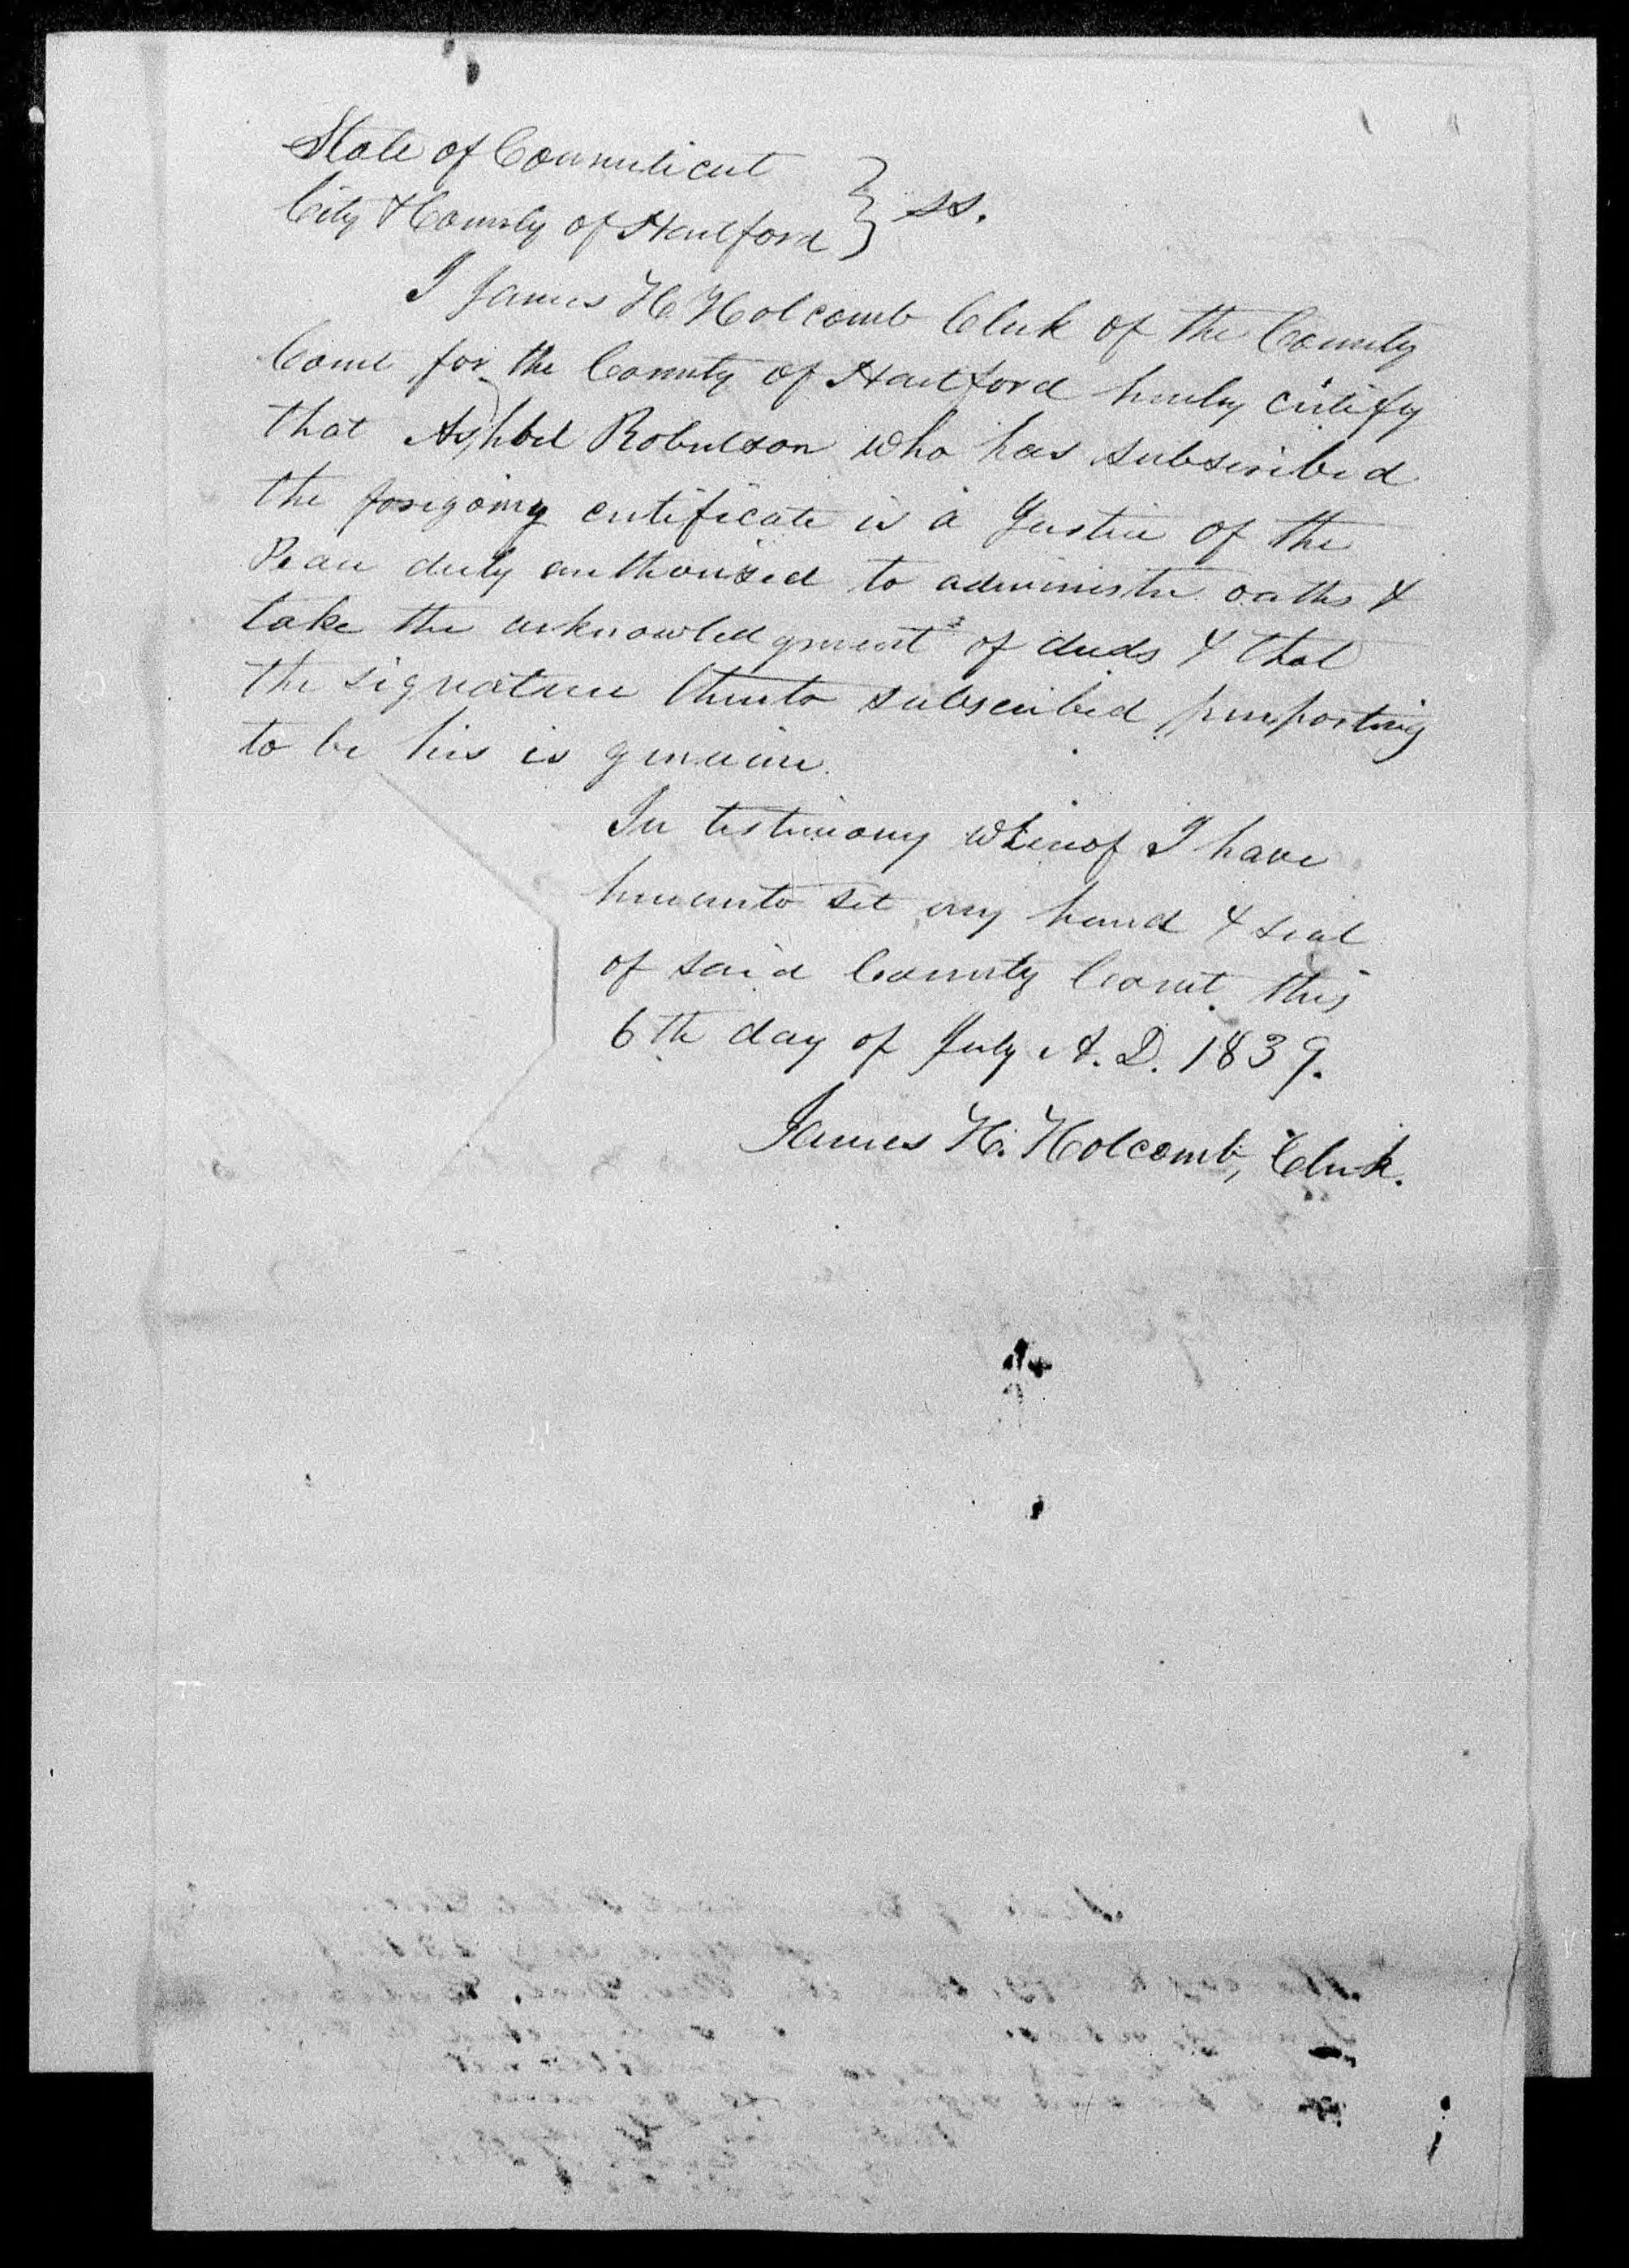State of Connecticut
City & County of Hartford}  Ss.

I James H Holcomb Clerk of the County Court for the County of Hartford hereby certify that Ashbel Robertson who has subscribed the foregoing certificate in a Justice of the Peace duly authorized to administer oaths & take the acknowledgement of deeds & that the signature thus to subscribed purporting to be his is genuine.
In testimony whereof I have hereunto set my hand & seal of said County Court this 6th day of July A.D. 1839.
James H. Holcomb, Clerk.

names: James H Holcomb; Ashbel Robertson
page: 13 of 60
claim: widow's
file: W. 14,036, for James Knowles, Connecticut